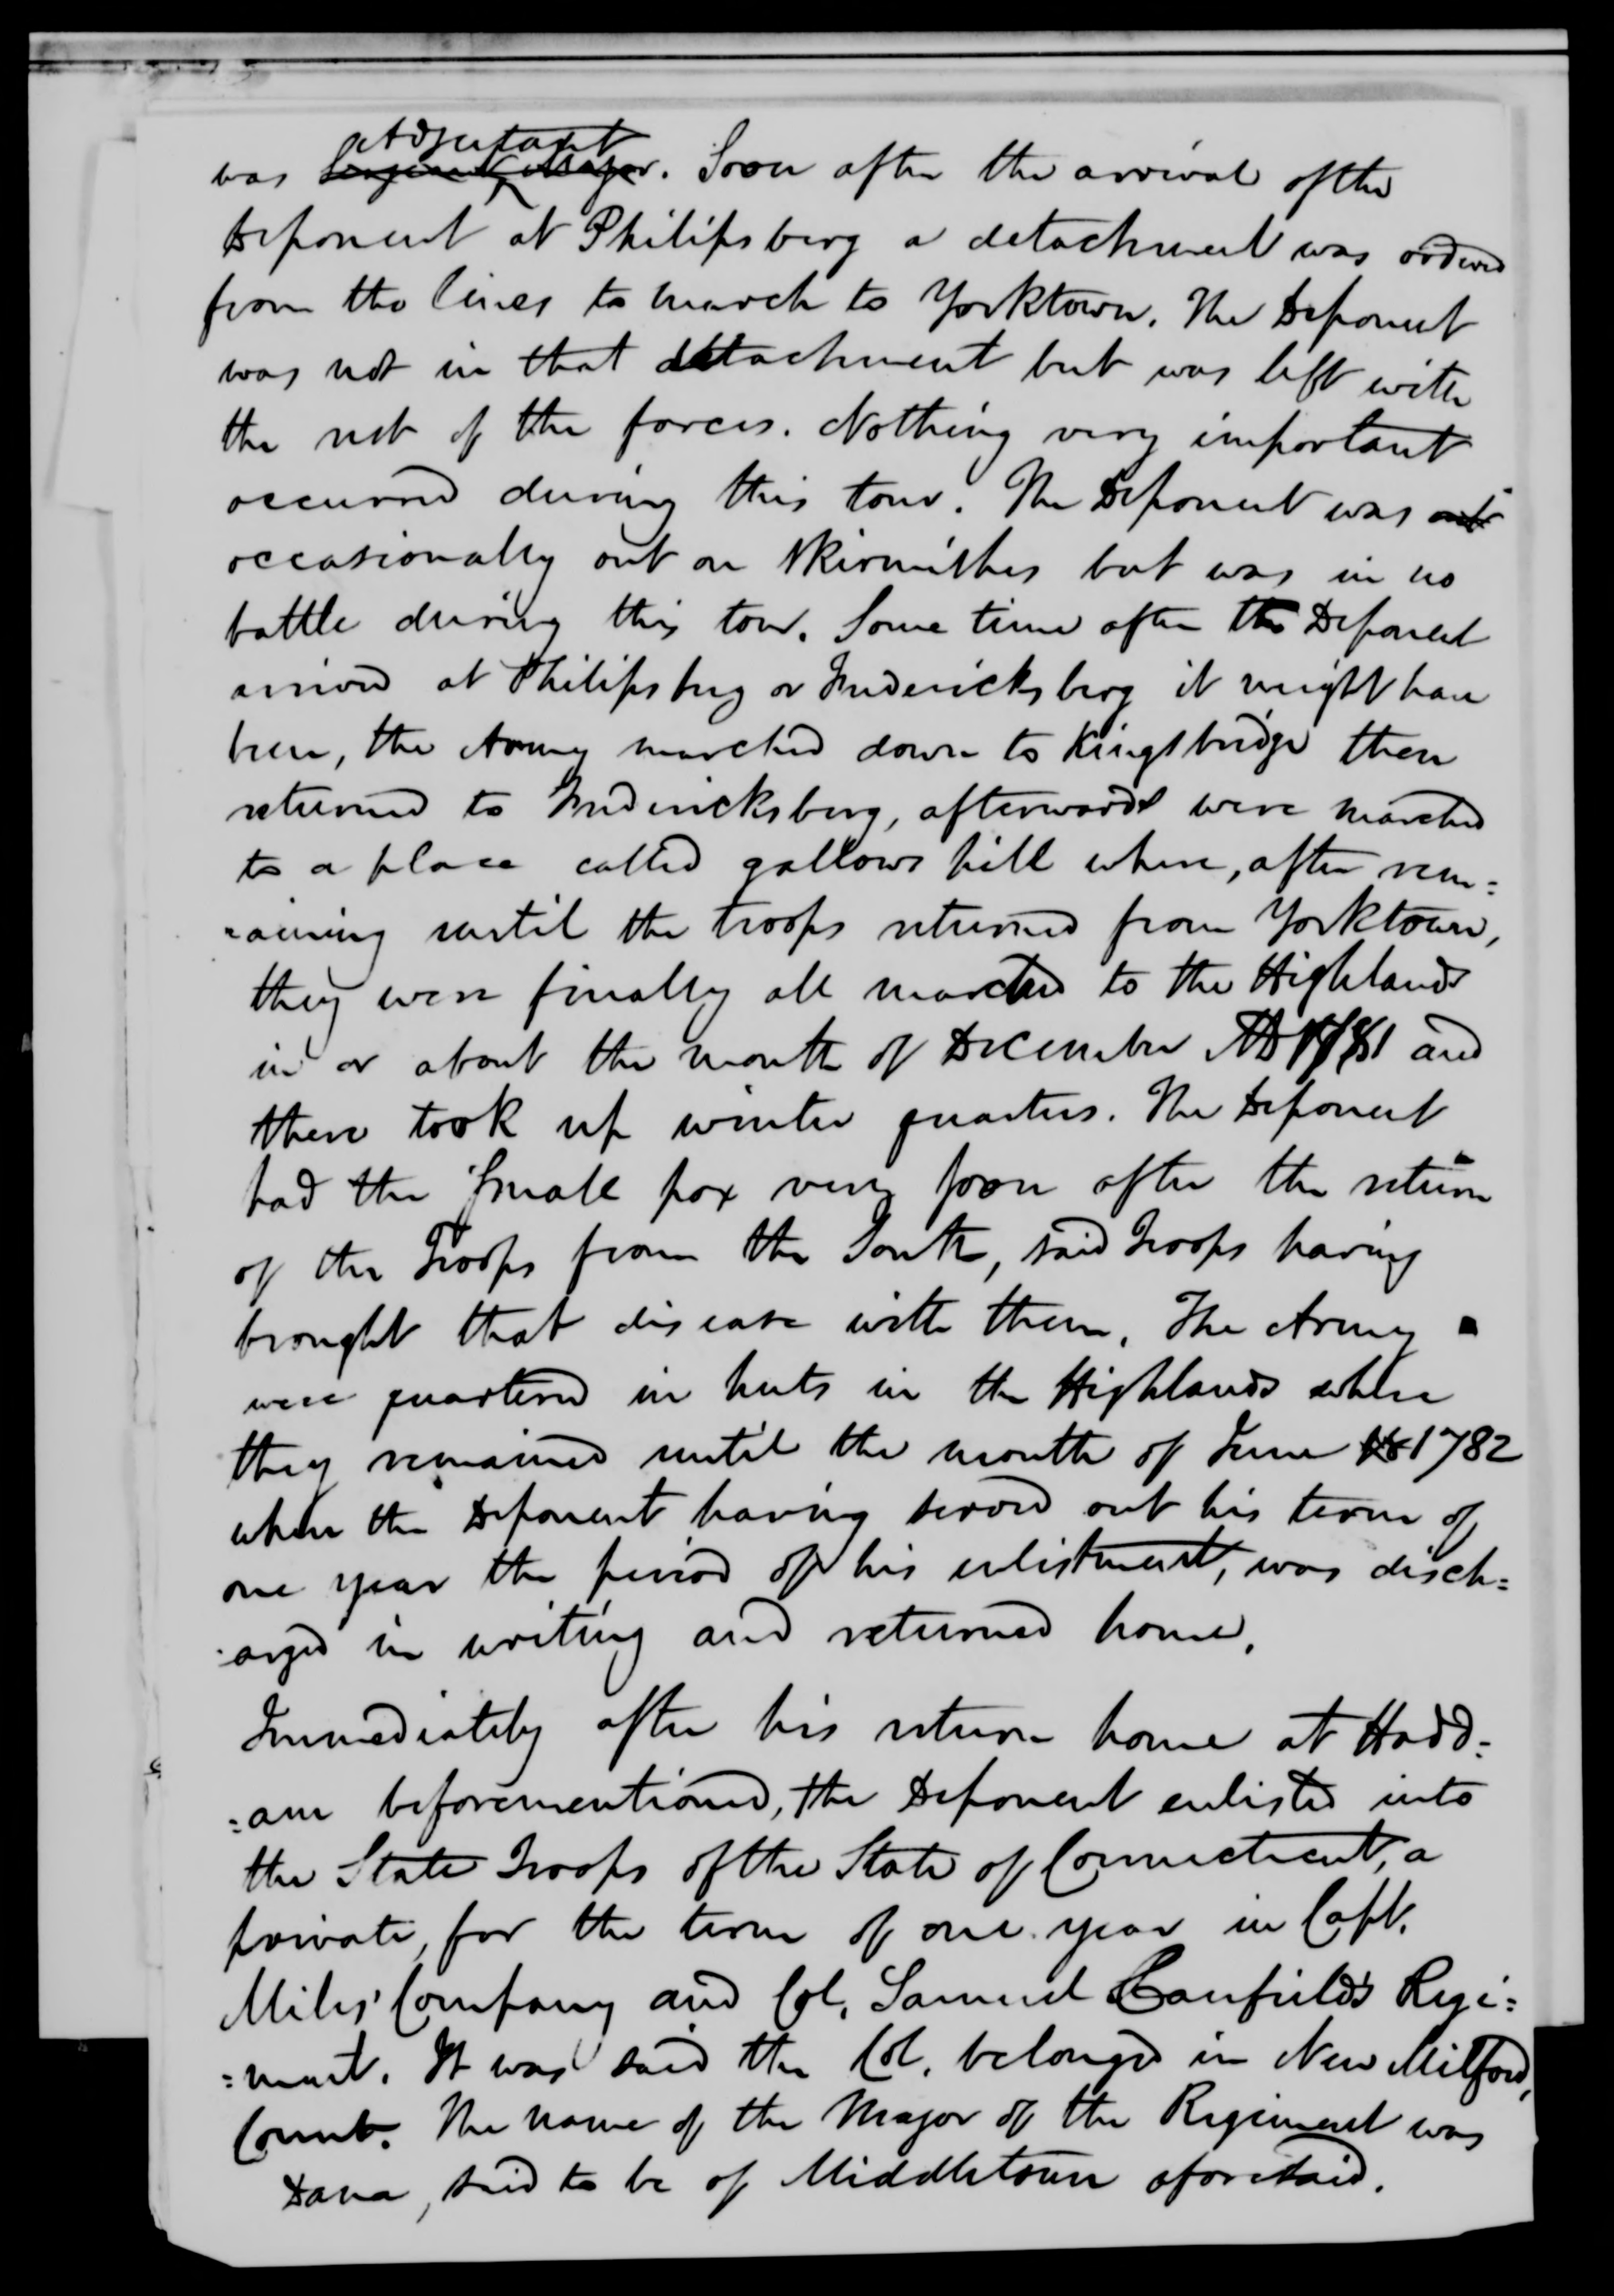was Adjutant. Soon after the arrival of the deponent at Philipsberg a detachment was ordered from the lines to march to Yorktown. The deponent was not in that detachment but was left with the net of the forces. Nothing very important occurred during this tour. The deponent was  occasionally out on skirmishes but was in no battle during this tour. Some time after the deponent arrived at Philipsberg or Fredericksberg it might have been, the Army marched down to Kingsbridge then returned to Fredericksberg, afterwards were marched to a place called gallows hill where, after remaining until the troops returned from Yorktown, they were finally all marched to the Highlands in or about the month of December AD 1781 and there took up winter quarters. The deponent had the small pox very soon after the return of the Troops from the South, said Troops having brought that disease with them. The Army was quartered in huts in the Highlands where they remained until the month of June 1782 where the deponent having served out his term of one year, the period of his enlistment, was discharged in writing and returned home.
Immediately after his return home at Haddam beforementioned, the deponent enlisted into the State Troops of the State of Connecticut, a private, for the term of one year in Capt. Miles’ Company and Col. Samuel Canfield Regiment. It was said the Col. belonged in New Milford, Connt. The name of the Major of the Regiment was Davis, said to be of Middletown aforesaid.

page: 18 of 46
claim: widow's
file: W. 18,417, James Willcox, Conn.